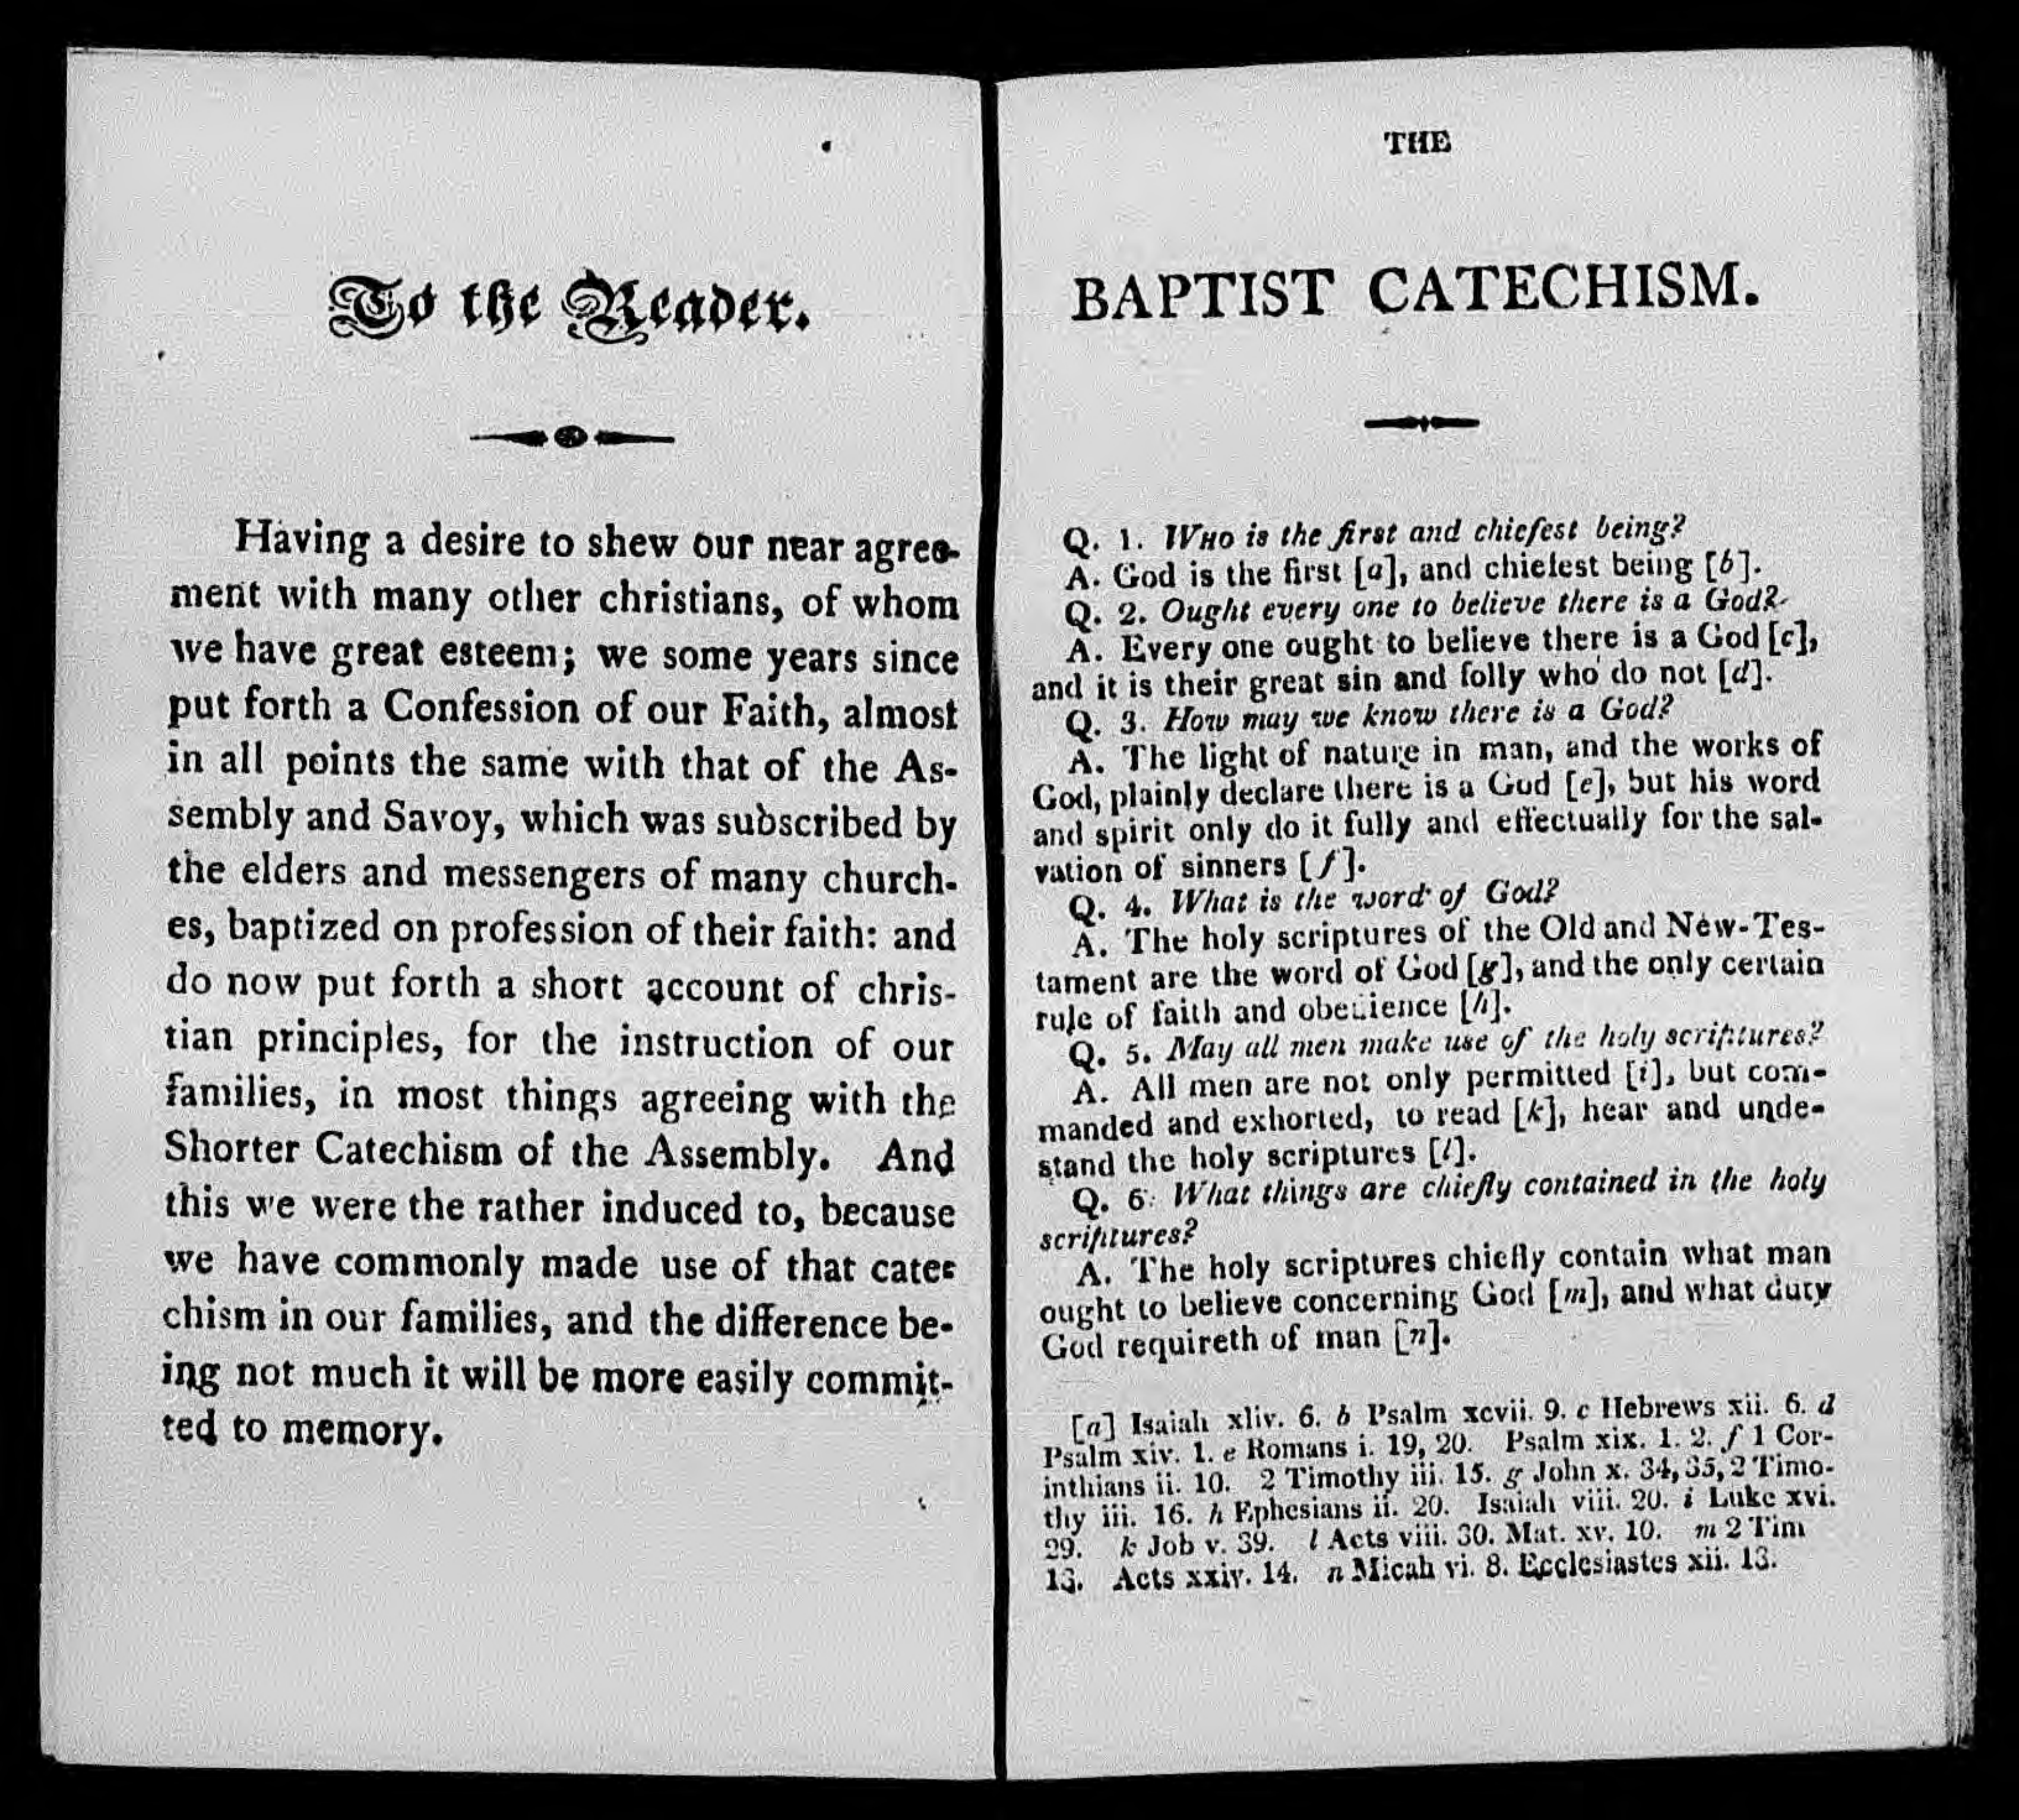To the Leader.
======
Having a desire to shew our near agreement
with many other christians, of whom
we have great esteem; we some years since
put forth a Confession of our Faith, almost
in all points the same with that of the Assemblymand Savoy, which was subscribed by
the elders and messengers of many churches, baptized on profession of their faith: and
do now put forth a short account of christian
principles, for the instruction of our
families, in most things agreeing with the
Shorter Catechism of the Assembly.  And
this we were the rather induced to, because
we have commonly made use of that caterchism
in our families, and the difference being
not much it will be more easily committed
to memory.


THE
BAPTIST CATECHISM.
=====
1. Who is the first and chiefest being?
A. God is the first [a], and chiefest being [b].

Q.2. Ought every one to believe there is a God?
A. Every one ought to believe there is a God [c],
and it is their great sin and folly who do not [d]

Q. 3. How may we know there is a God?
A. The light of nature in man, and the works of
God, plainly declare there is a God [e], but his word
and spirit only do it fully and effectually for the sal-
vation of sinners [f].

Q. 4. What is the word of God?
A. The holy scriptures of the Old and New
tament are the word of God [g], and the only certain
rule of faith and obedience [h].

Q. 5. May all men make use of the holy scripture?
A. All men are not only permitted [i], but commanded
and exhorted, to read [k] to hear and understand the holy scriptures [l].
Q.  6. What things are chiefly contained in the holy
scriptures?
A. The holy scriptures chiefly contain what man
ought to believe concerning God [m], and what duty
God requireth of man [n]

[a] Isaiah xLiv. 6. b  Psalm xcvii. 9. c Hebrews xii 6. d
Psalm xiv. 1. e Romans i. 19, 20. Psalm xix. 1. 2. f 1 Corinthians  ii.10.   2 Timothy iii 15. g John X. 34, 35, 2 Timothy iii. 16. h Ephesians ii. 20.  Isaiah viii 20. 
i Luke xvi. 29. 
k Job v. 39. l Acts viii, 30.  Mat. xv. 10. m 2 Tim 13.
Acts xxiv. 14. n Micah vi. 8 Ecclesiastes xii. 13.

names: Timothy, Isaiah, Timothy, Luke, Isaiah, Tim, Mat, Micah, Job, John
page: 62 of 98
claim: widow's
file: W. 8398, William Broadway, S.C.